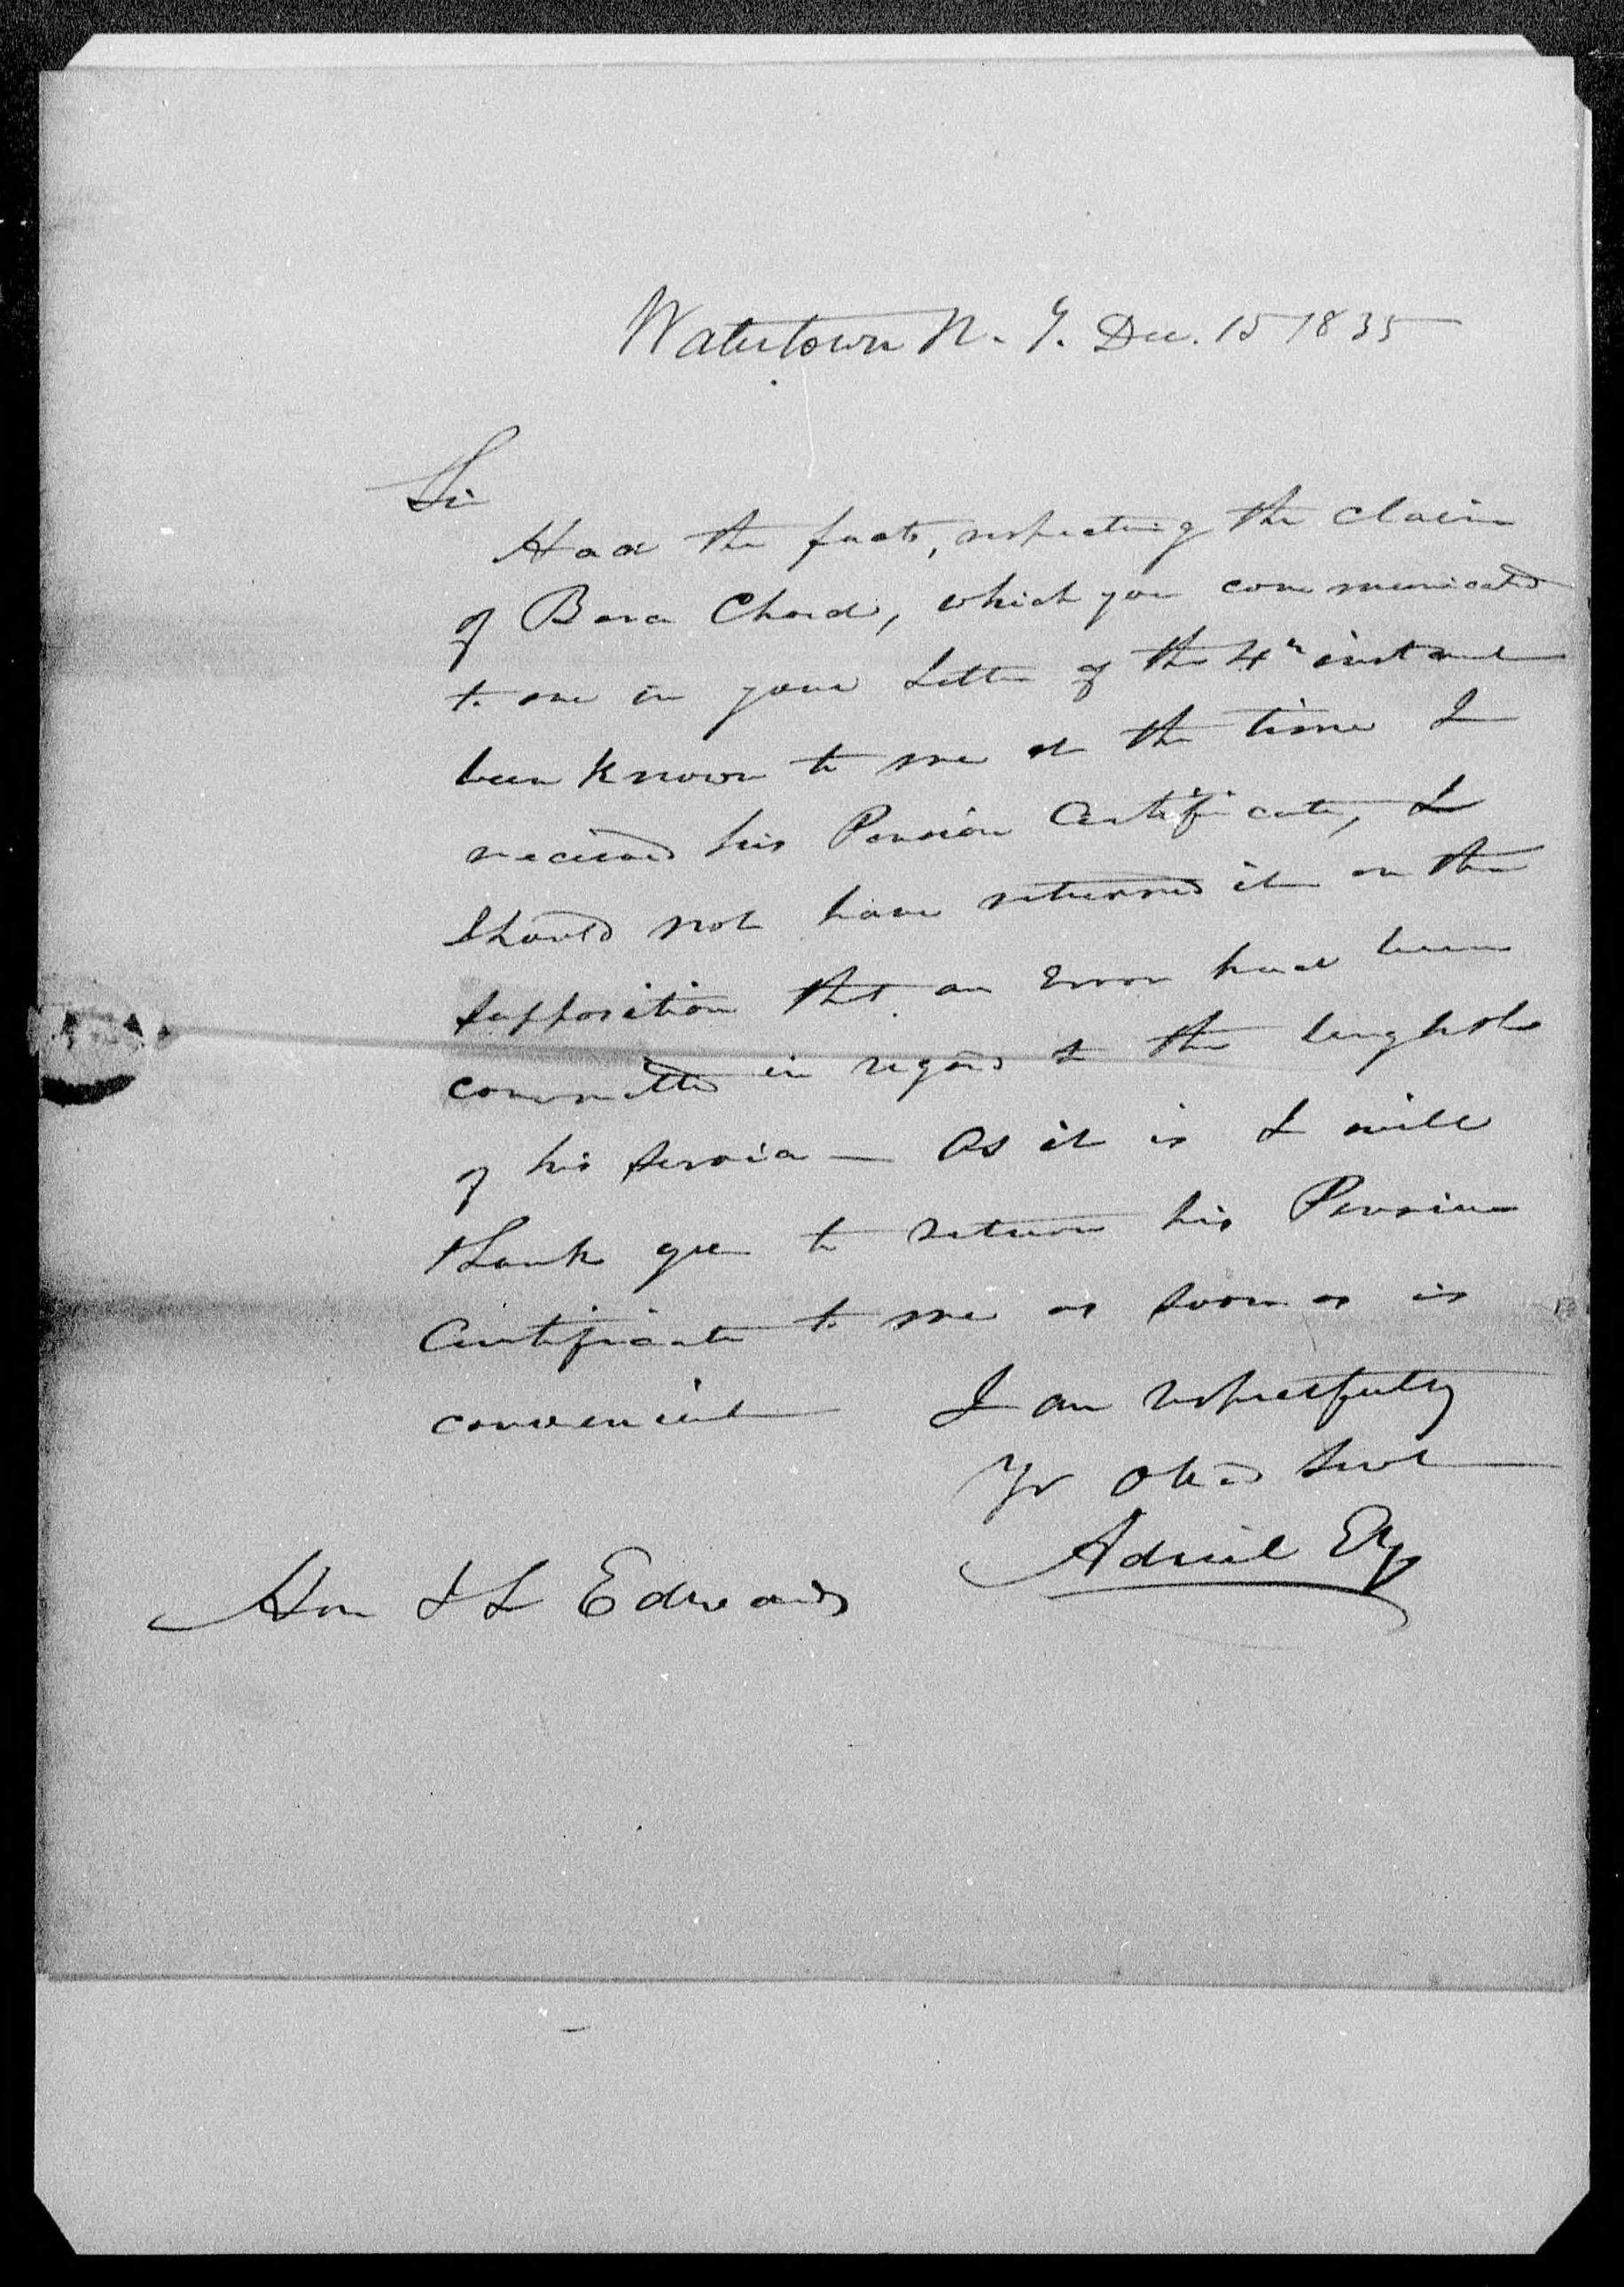Watertown N.Y. Dec. 15 1835 

Sir
Had the facts, respecting the claim of Barce Chard, which you communicated to me in your Letter of the 4th inst been known to me at the time I received his Pension Certificate, I Should not have returned it on the Supposition that an error had been committed in regard to the length of his service - As it is I will thank you to return his Pension Certificate to me as soon as is convenient 
I am respectfully 
Yr Obt Servt
[Signed] Adriel Ely

Hon J L Edwards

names: Barce Chard, Adriel Ely, J L Edwards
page: 31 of 47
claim: widow's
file: W. 10,602, Barce Chard, New York.